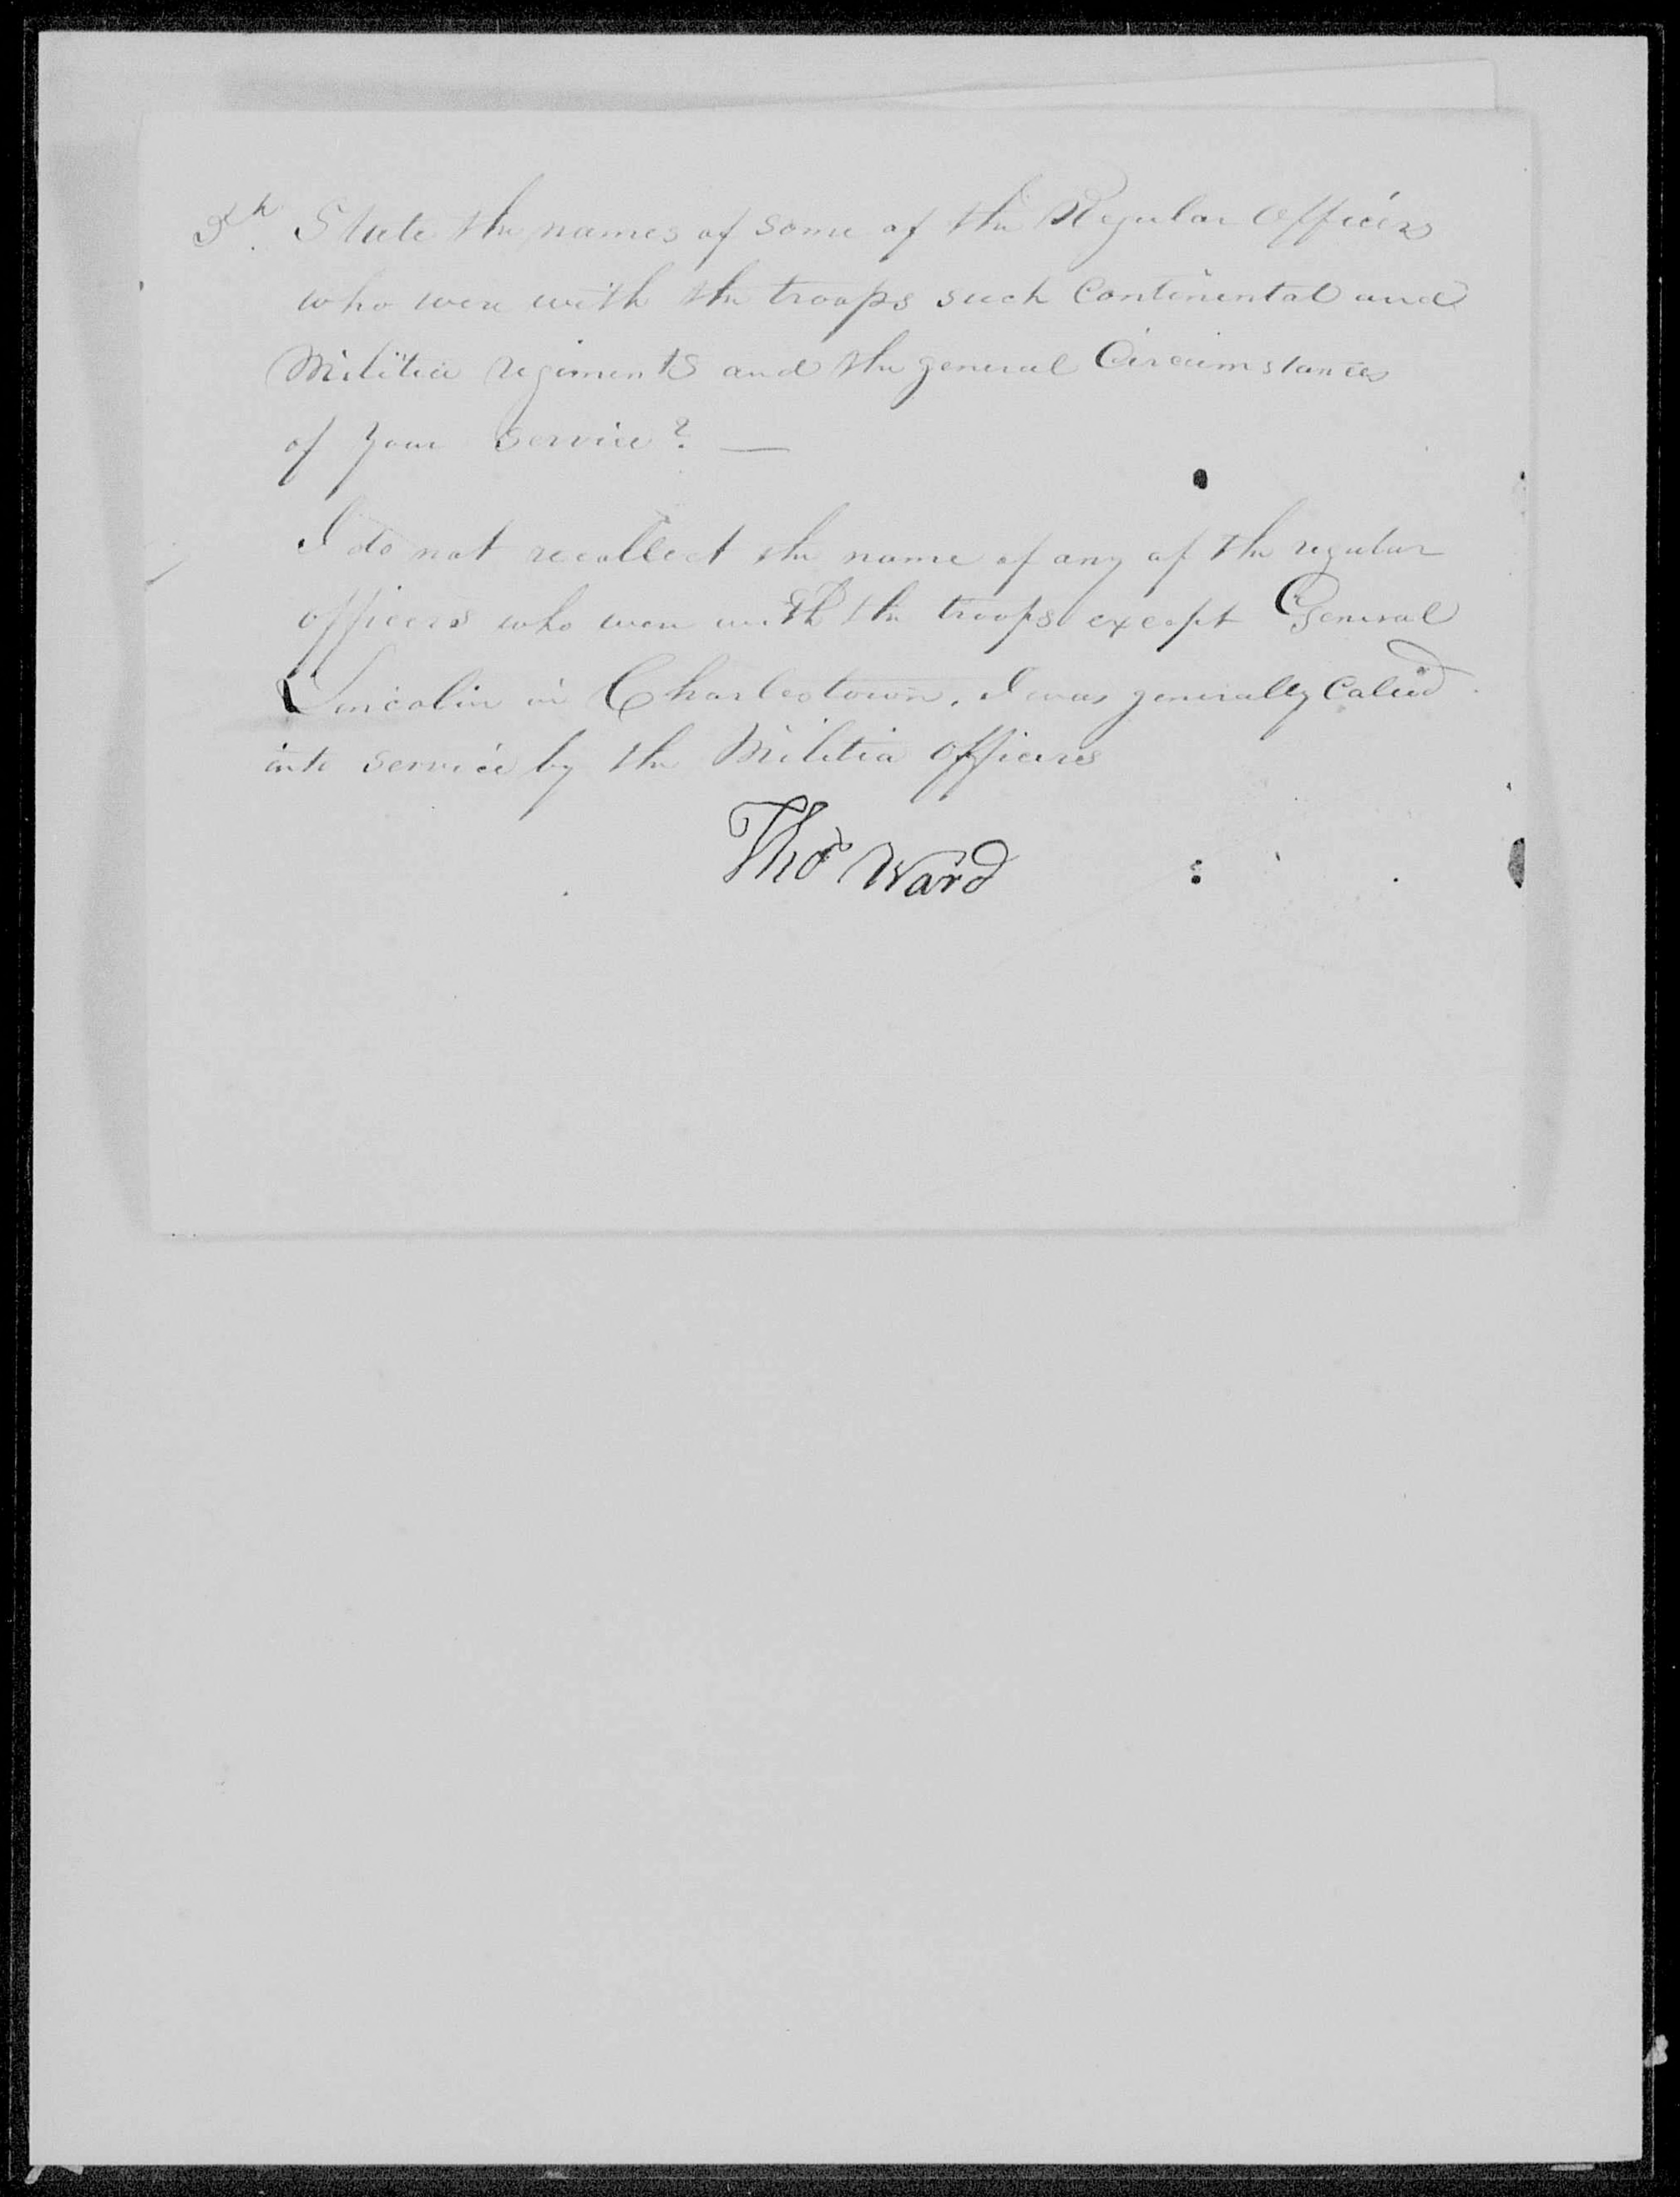5th.  State the names of some of the regular officers who were with the troops such continental and Militia regiments and the general circumstances of your service? ___
I do not recollect the name of any of the regular officers who were with the troops except General Lincoln in Charles town.  I was generally called into service by the Militia officers
Thos Ward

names: Lincolm, Thos Ward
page: 5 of 31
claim: survivor's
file: S. 14802, Thomas Ward, S.C.